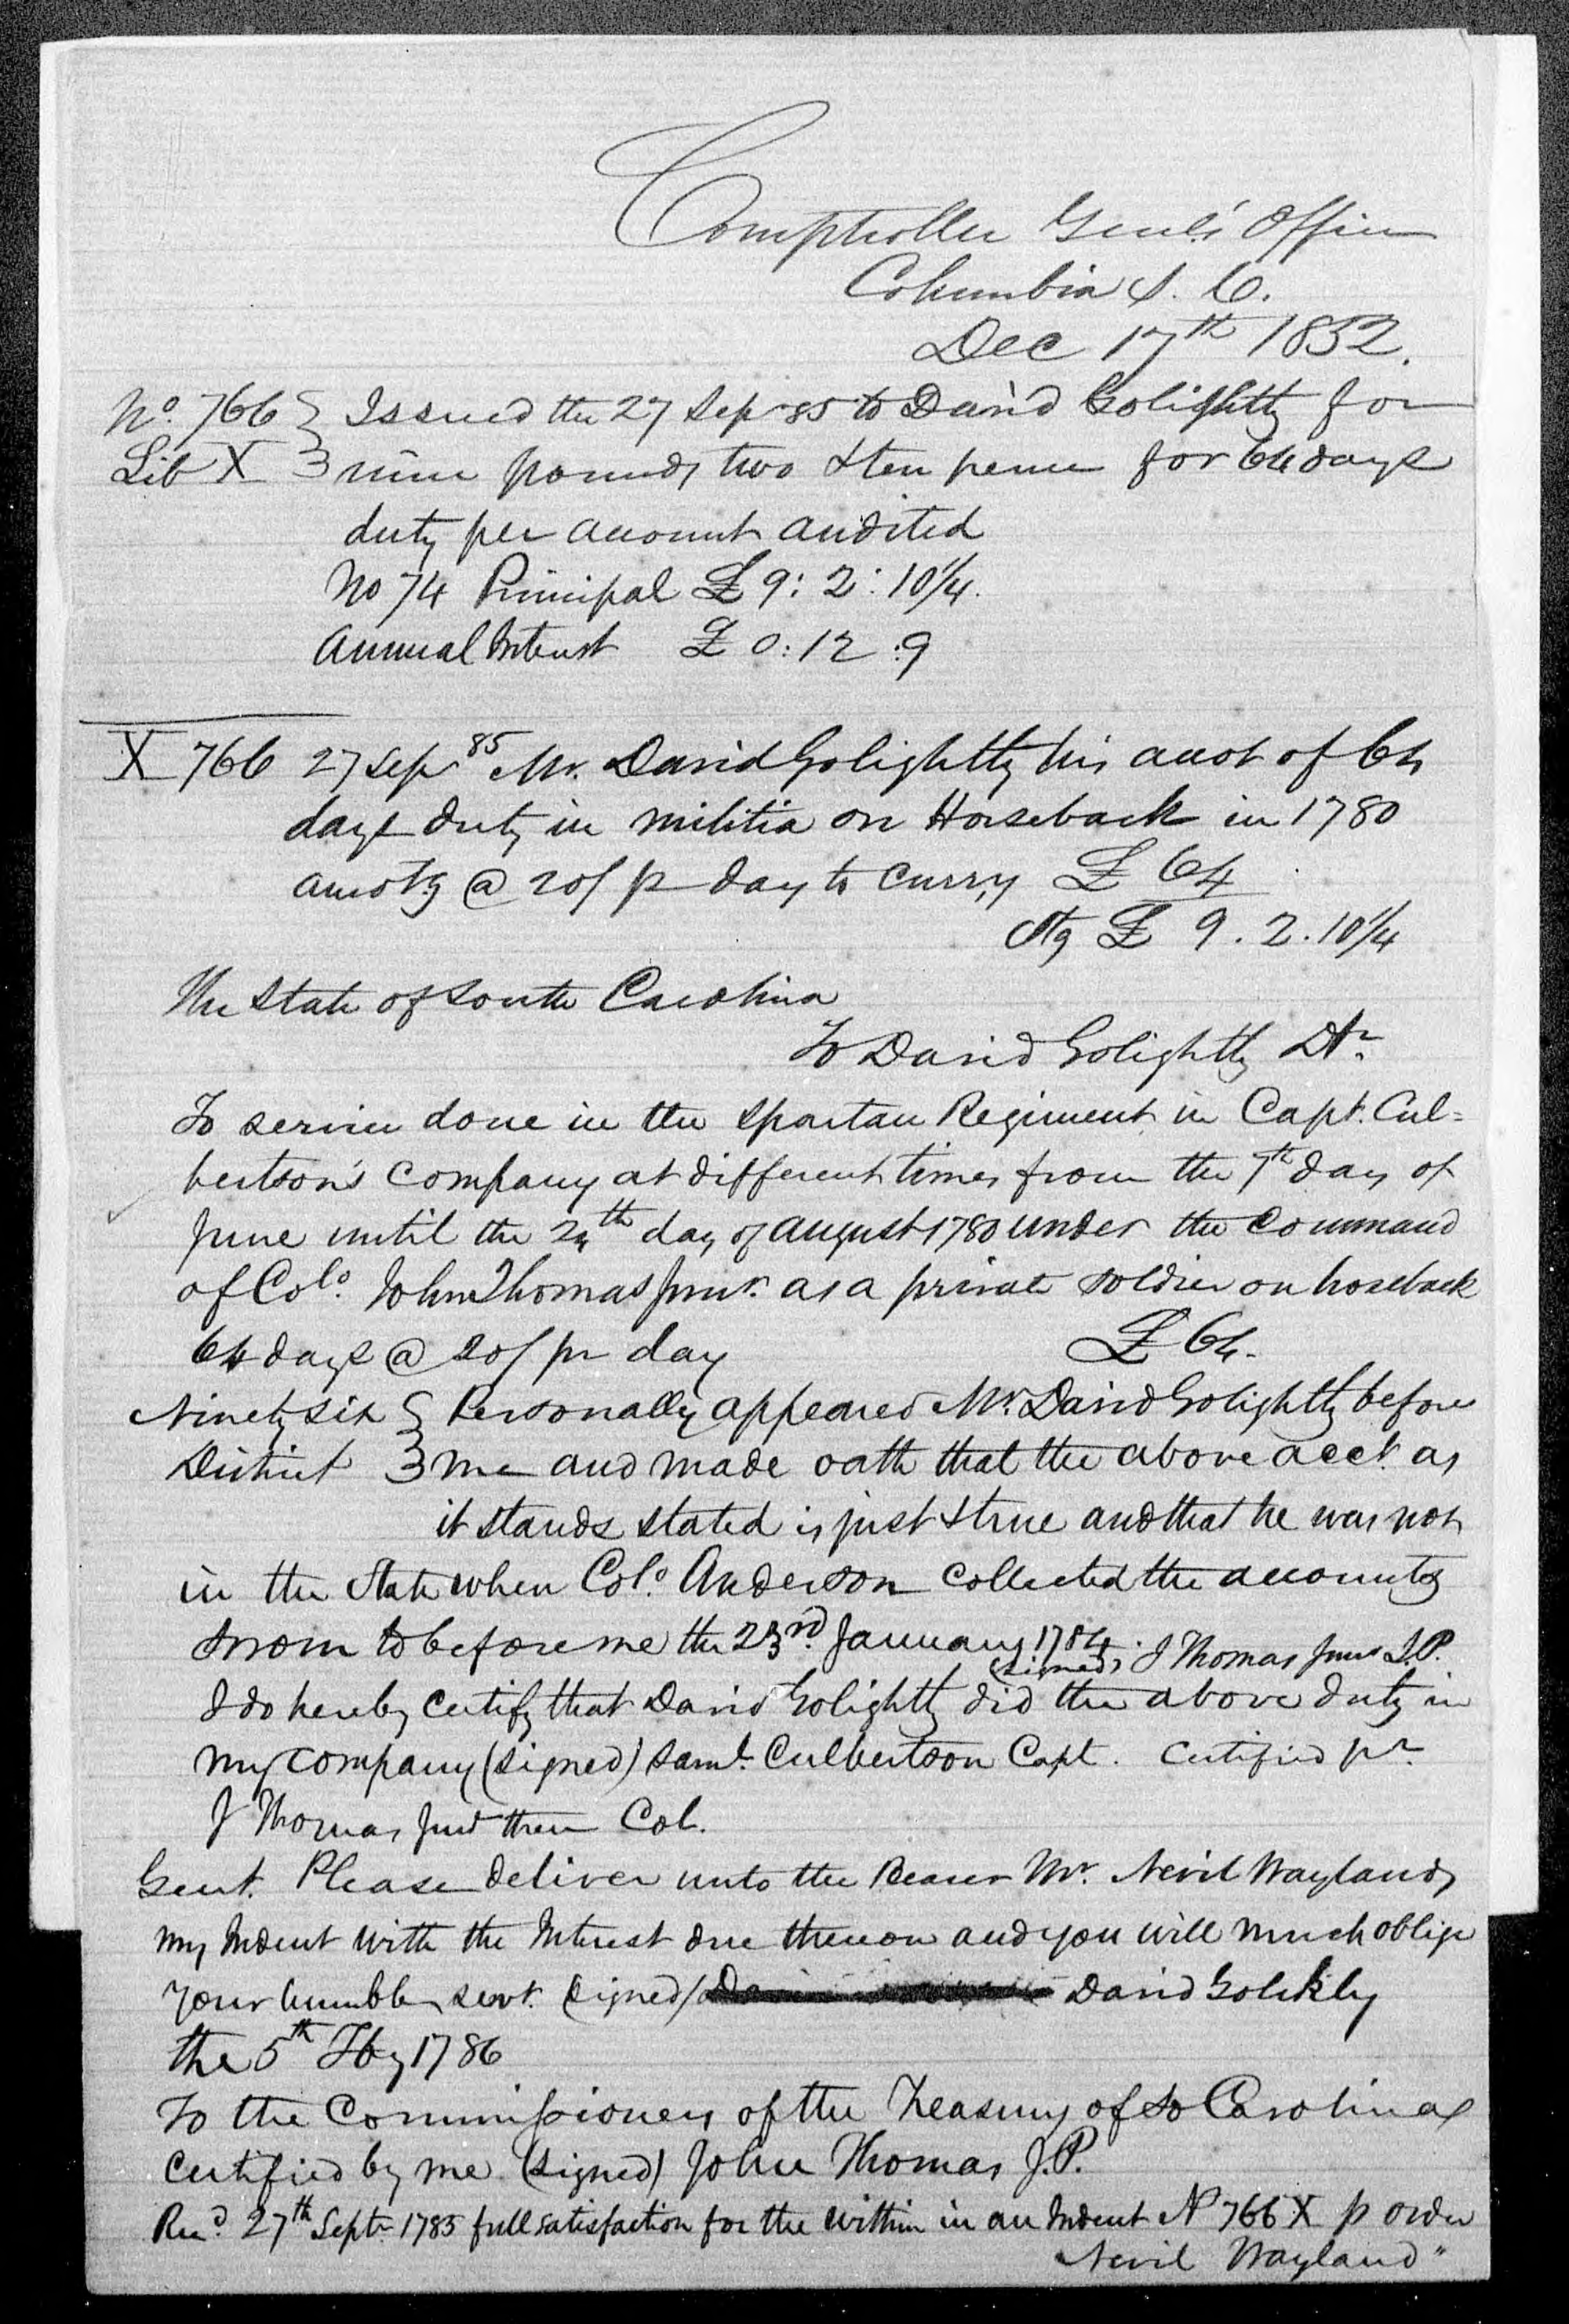Comptroller Genl's Office
Columbia S.C.
Dec. 17th 1832

No. 766}
Lib X } 

Issued the 27 Sept '85 to David Golightly for nine pounds two and ten pence for 64 days duty per account audited 
No 74 Principal $9:2: 10 1/4
Annual Interest $0:12:9

X 766 27 Sept '85 Mr. David Golightly his account of 64 days duty in militia on horseback in 1780 amortg @ 2 of pr day to curry $64
               Stg      $9.2.10 1/4

The State of South Carolina
   To David Golightly 
to service done in the Spartan Regiment in Capt. Culbertsons' Company at different times from the 7th day of June until the 24th day of August 1780 under the Command of Col. John Thomas as a private soldier on horseback 64 days @ 2 per day.   $64

Ninety six } 
District }
personally appeared Mr. David Golightly before me and made oath that the above acct. as it stands stated is just & true and that the was not in the State when Col. Anderson collected the accounts.

Sworn to before me the 23rd January 1784.

   I do hereby certify that David Golightly did the above duty in my Company (signed) Saml. Culbertson Capt.  Certified JP. J. Thomas Col.

Gent. Please deliver unto the Bearer Mr. Nevil Wayland my indent with the interest due thereon and you will much oblige your humble servant (signed) David Golikly the 5th Feby 1786.

  To the Commissioner of the Treasury of South Carolina certified by me (signed) John Thomas, J.P. 


Rec'd 27th Sept 1785 full satisfaction for the within in an indent l766X order.

Nevil Wayland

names: Anderson, J Thomas, David Golightly, Saml Culbertson, John Thomas, J Thomas, Nevil Wayland, David Golightly, Nevil Wayland, David Golightly, David Golightly, David Golikly, John Thomas, David Golightly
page: 48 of 57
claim: survivor's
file: S. 18888, David Golightly, S.C.